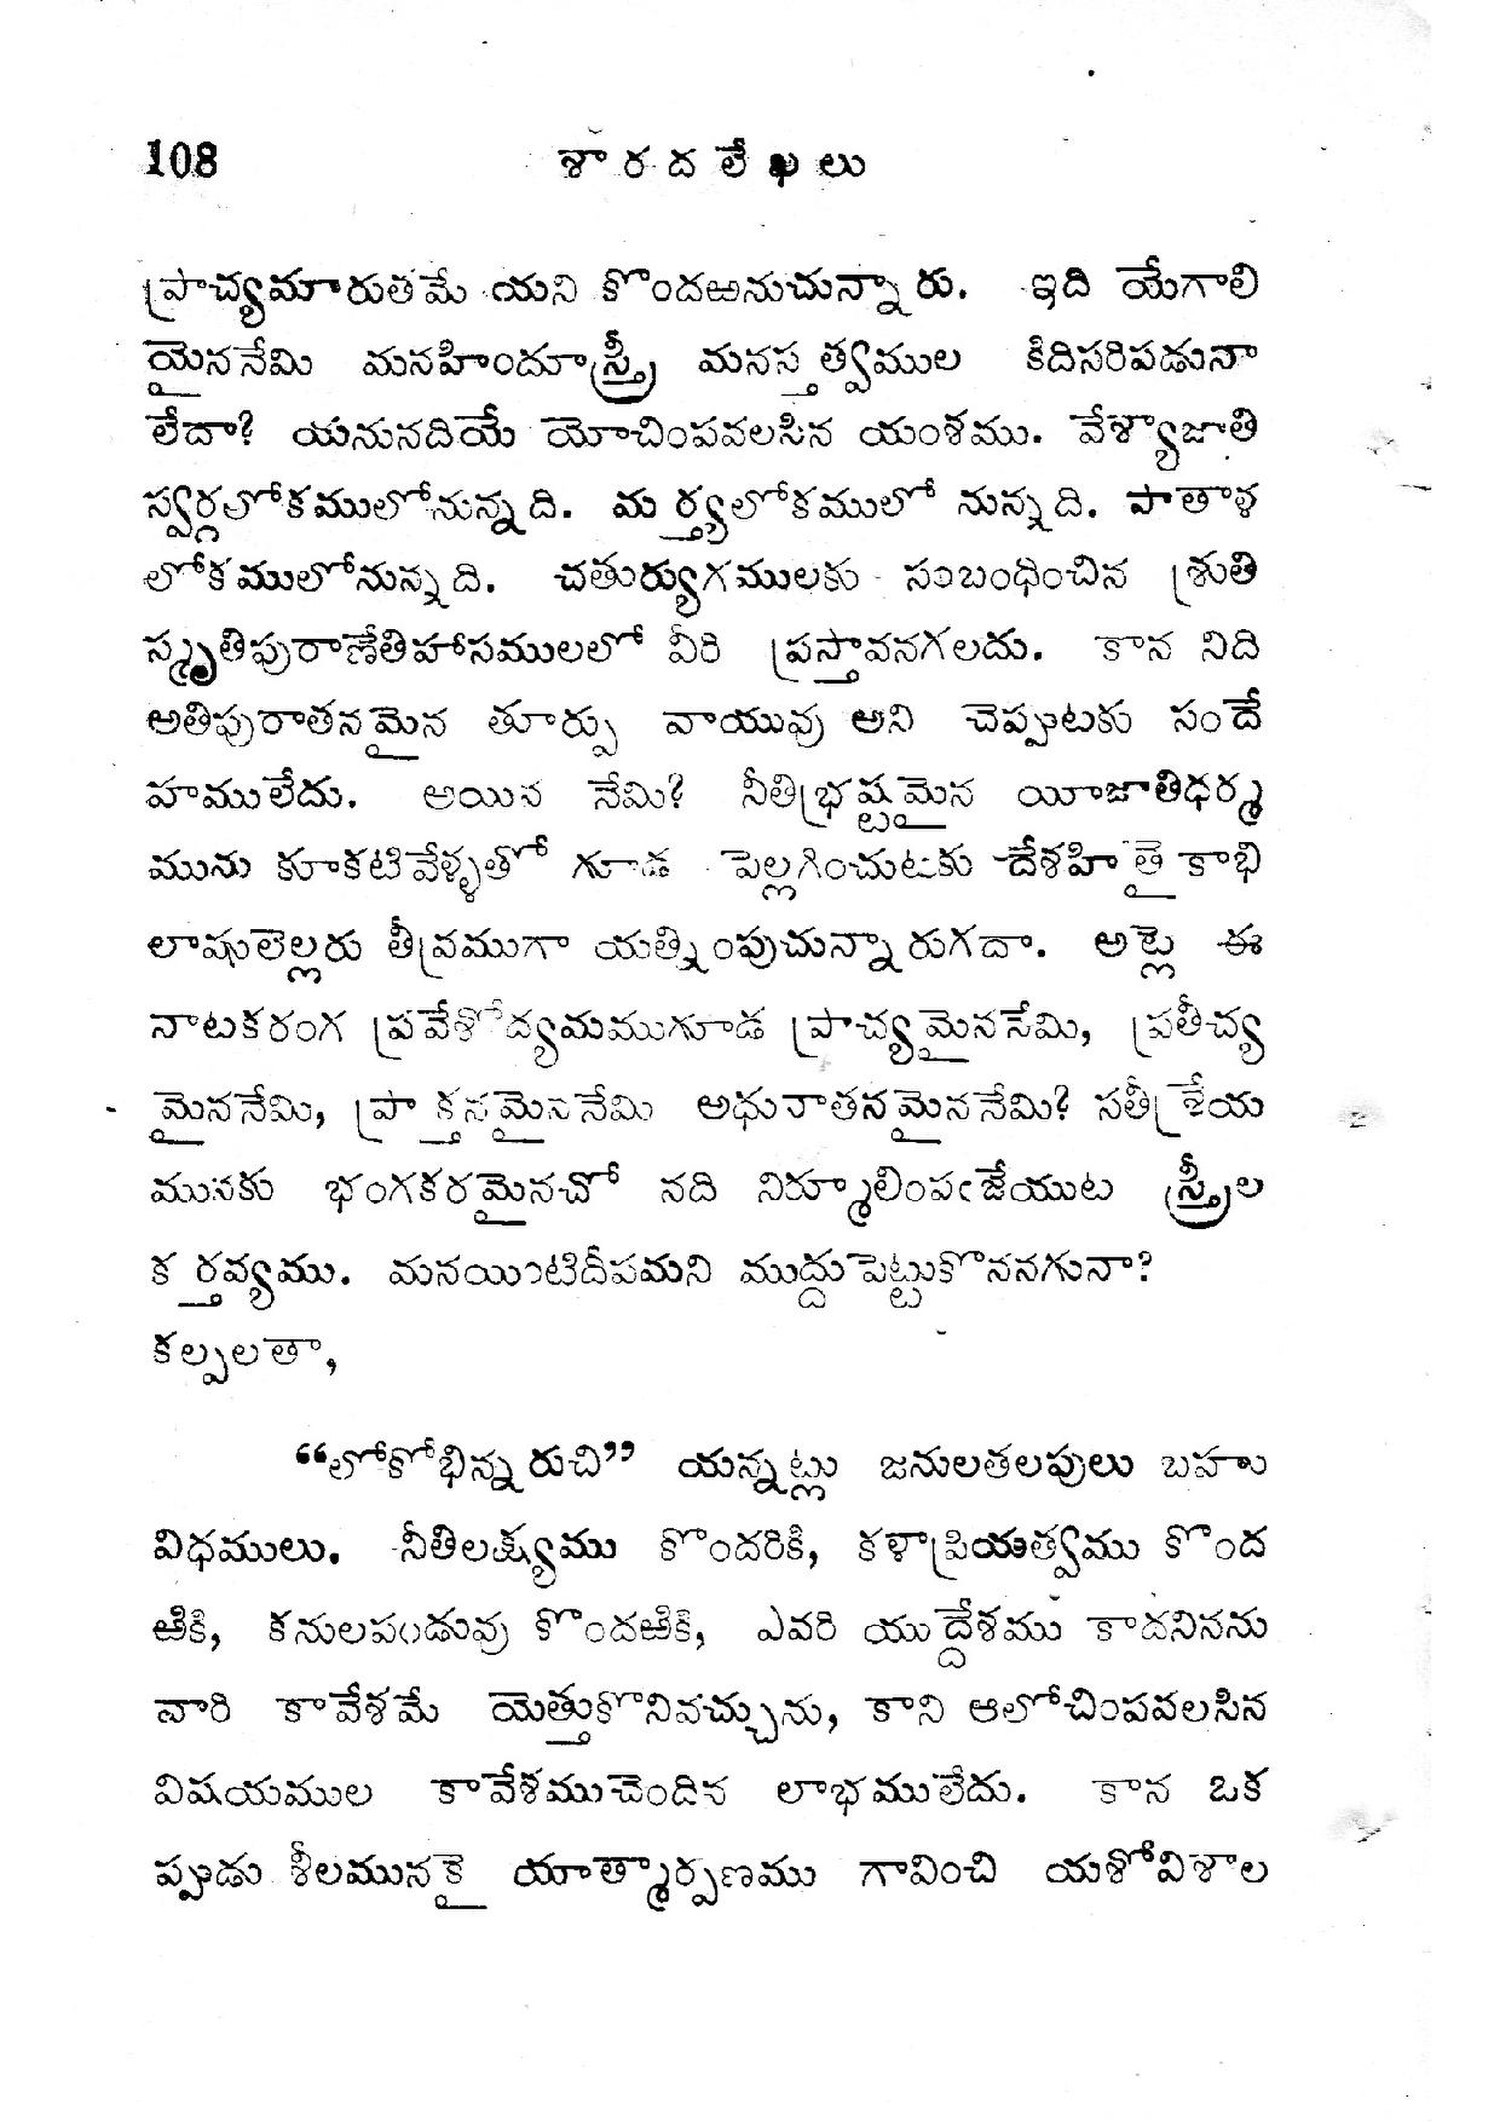ప్రాచ్యమారుతమే యని కొందఱనుచున్నారు. ఇది యేగాలియైననేమి మనహిందూస్త్రీ మనస్తత్వముల కిదిసరిపడునా లేదా? యనునదియే యోచింపవలసిన యంశము. వేశ్యాజాతి స్వర్గలోకములోనున్నది. మర్త్యలోకములో నున్నది. పాతాళలోకములోనున్నది. చతుర్యుగములకు సంబంధించిన శ్రుతి
స్మృతిపురాణేతిహాసములలో వీరి ప్రస్తావనగలదు. కాన నిది అతిపురాతనమైన తూర్పు వాయువు అని చెప్పుటకు సందేహములేదు. అయిన నేమి? నీతిభ్రష్టమైన యీజాతిధర్మమును కూకటివేళ్ళతో గూడ పెల్లగించుటకు దేశహితైకాభిలాషులెల్లరు తీవ్రముగా యత్నింపుచున్నారుగదా. అట్లె ఈ నాటకరంగ ప్రవేశోద్యమముగూడ ప్రాచ్యమైననేమి, ప్రతీచ్యమైననేమి, ప్రాక్తనమైననేమి అధునాతనమైననేమి? సతీశ్రేయమునకు భంగకరమైనచో నది నిర్మూలింపఁజేయుట స్త్రీల కర్తవ్యము. మనయింటిదీపమని ముద్దుపెట్టుకొననగునా?

కల్పలతా,

"లోకోభిన్నరుచి” యన్నట్లు జనులతలపులు బహువిధములు. నీతిలక్ష్యము కొందరికి, కళాప్రియత్వము కొందఱికి, కనులపండువు కొందఱికి, ఎవరి యుద్దేశము కాదనినను వారి కావేశమే యెత్తుకొనివచ్చును, కాని ఆలోచింపవలసిన విషయముల కావేశముచెందిన లాభములేదు. కాన ఒకప్పుడు శీలమునకై యాత్మార్పణము గావించి యశోవిశాల